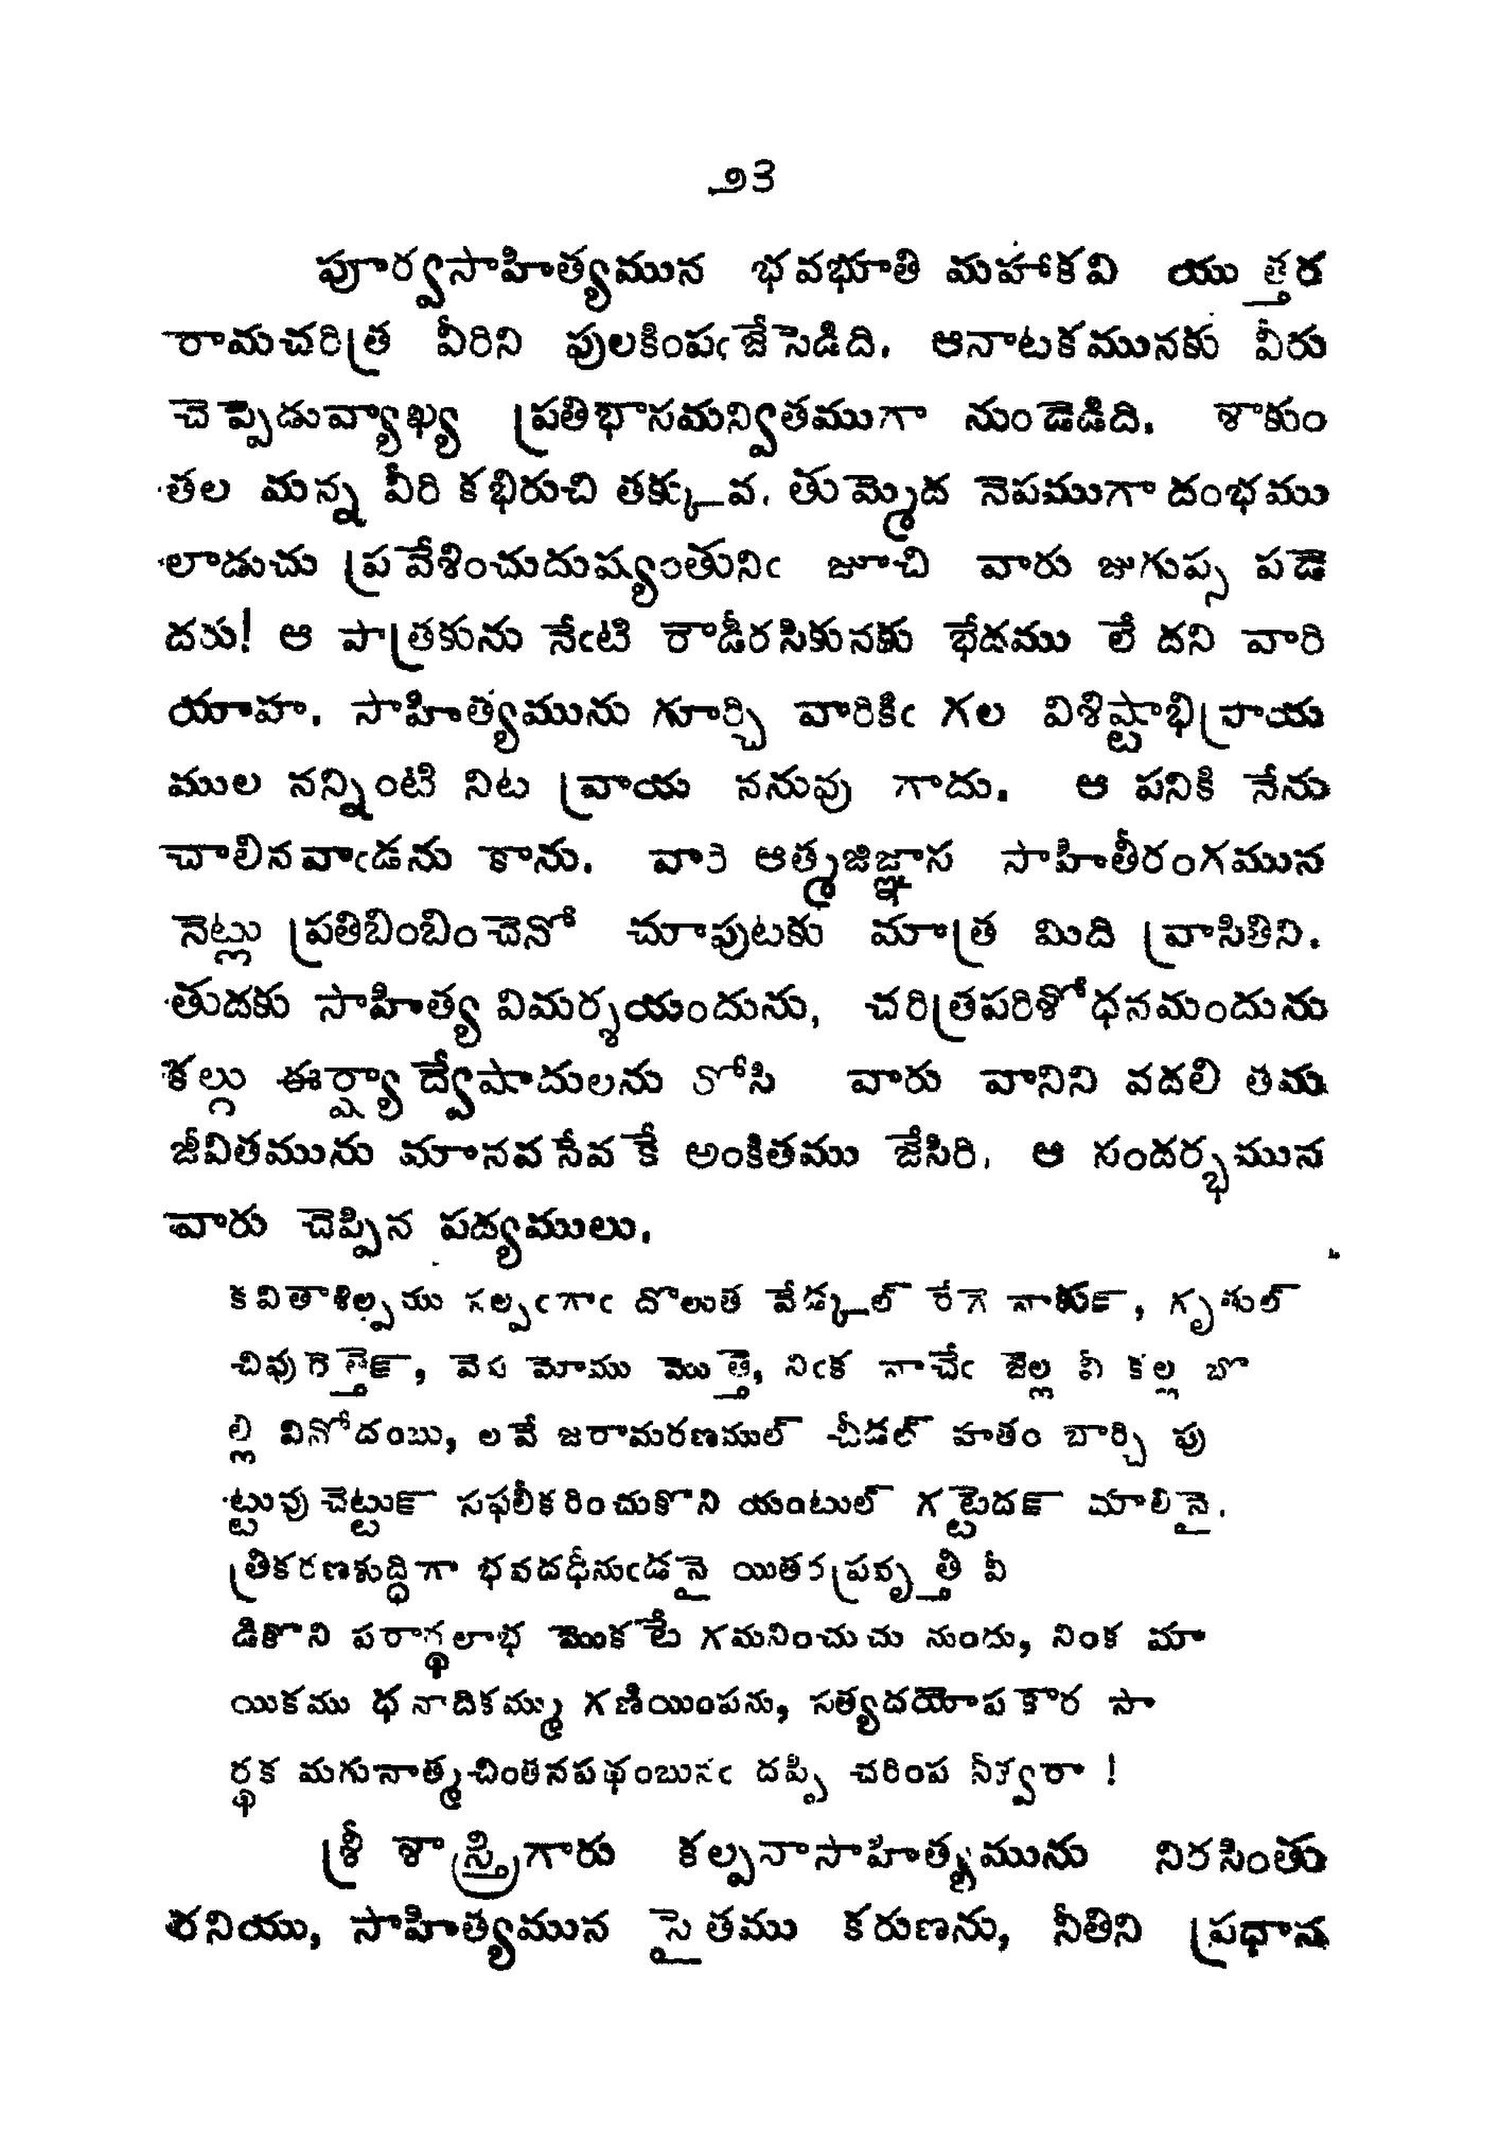పూర్వసాహిత్యమున భవభూతి మహాకవి యుత్తర రామచరిత్ర వీరిని పులకింపఁజేసెడిది. ఆనాటకమునకు వీరు చెప్పెడువ్యాఖ్య ప్రతిభాసమన్వితముగా నుండెడిది. శాకుంతల మన్న వీరి కభిరుచి తక్కువ. తుమ్మెద నెపముగా దంభము లాడుచు ప్రవేశించుదుష్యంతునిఁ జూచి వారు జుగుప్స పడెదరు! ఆ పాత్రకును నేఁటి రౌడీరసికునకు భేదము లే దని వారి యూహ. సాహిత్యమును గూర్చి వారికిఁ గల విశిష్టాభిప్రాయముల నన్నింటి నిట వ్రాయ ననువు గాదు. ఆ పనికి నేను చాలినవాఁడను కాను. వారి ఆత్మజిజ్ఞాస సాహితీరంగమున నెట్లు ప్రతిబింబించెనో చూపుటకు మాత్ర మిది వ్రాసితిని. తుదకు సాహిత్యవిమర్శయందును, చరిత్రపరిశోధనమందును కల్గు ఈర్ష్యాద్వేషాదులను రోసి వారు వానిని వదలి తమ జీవితమును మానవ సేవకే అంకితము జేసిరి. అ సందర్భమున వారు చెప్పిన పద్యములు.

 కవితాశిల్పము సల్పఁగాఁ దొలుత వేడ్కల్ రేగె నాకు౯, గృతుల్ 
 చివురెత్తె౯, వెస మోము మొత్తె, నిఁక నాచేఁ జెల్ల వీ కల్ల బొ 
 ల్లి వినోదంబు, లవే జరామరణముల్ చీడల్ హతం బార్చి పు 
 ట్టువు చెట్టు౯ సఫలీకరించుకొని యంటుల్ గట్టెద౯ మాలినై.
 త్రికరణశుద్ధిగా భవదధీనుఁడనై యితర ప్రవృత్తి వీ 
 డికొని పరార్ధలాభ మొకటే గమనించుచు నుందు, నింక మా 
 యికము ధనాదికమ్ము గణియింపను, సత్యదయోపకార సా 
 ర్థక మగునాత్మచింతనపథంబునఁ దప్పి చరింప నీశ్వరా!

 శ్రీ శాస్త్రిగారు కల్పనాసాహిత్యమును నిరసింతు రనియు, సాహిత్యమున సైతము కరుణను, నీతిని ప్రధాన